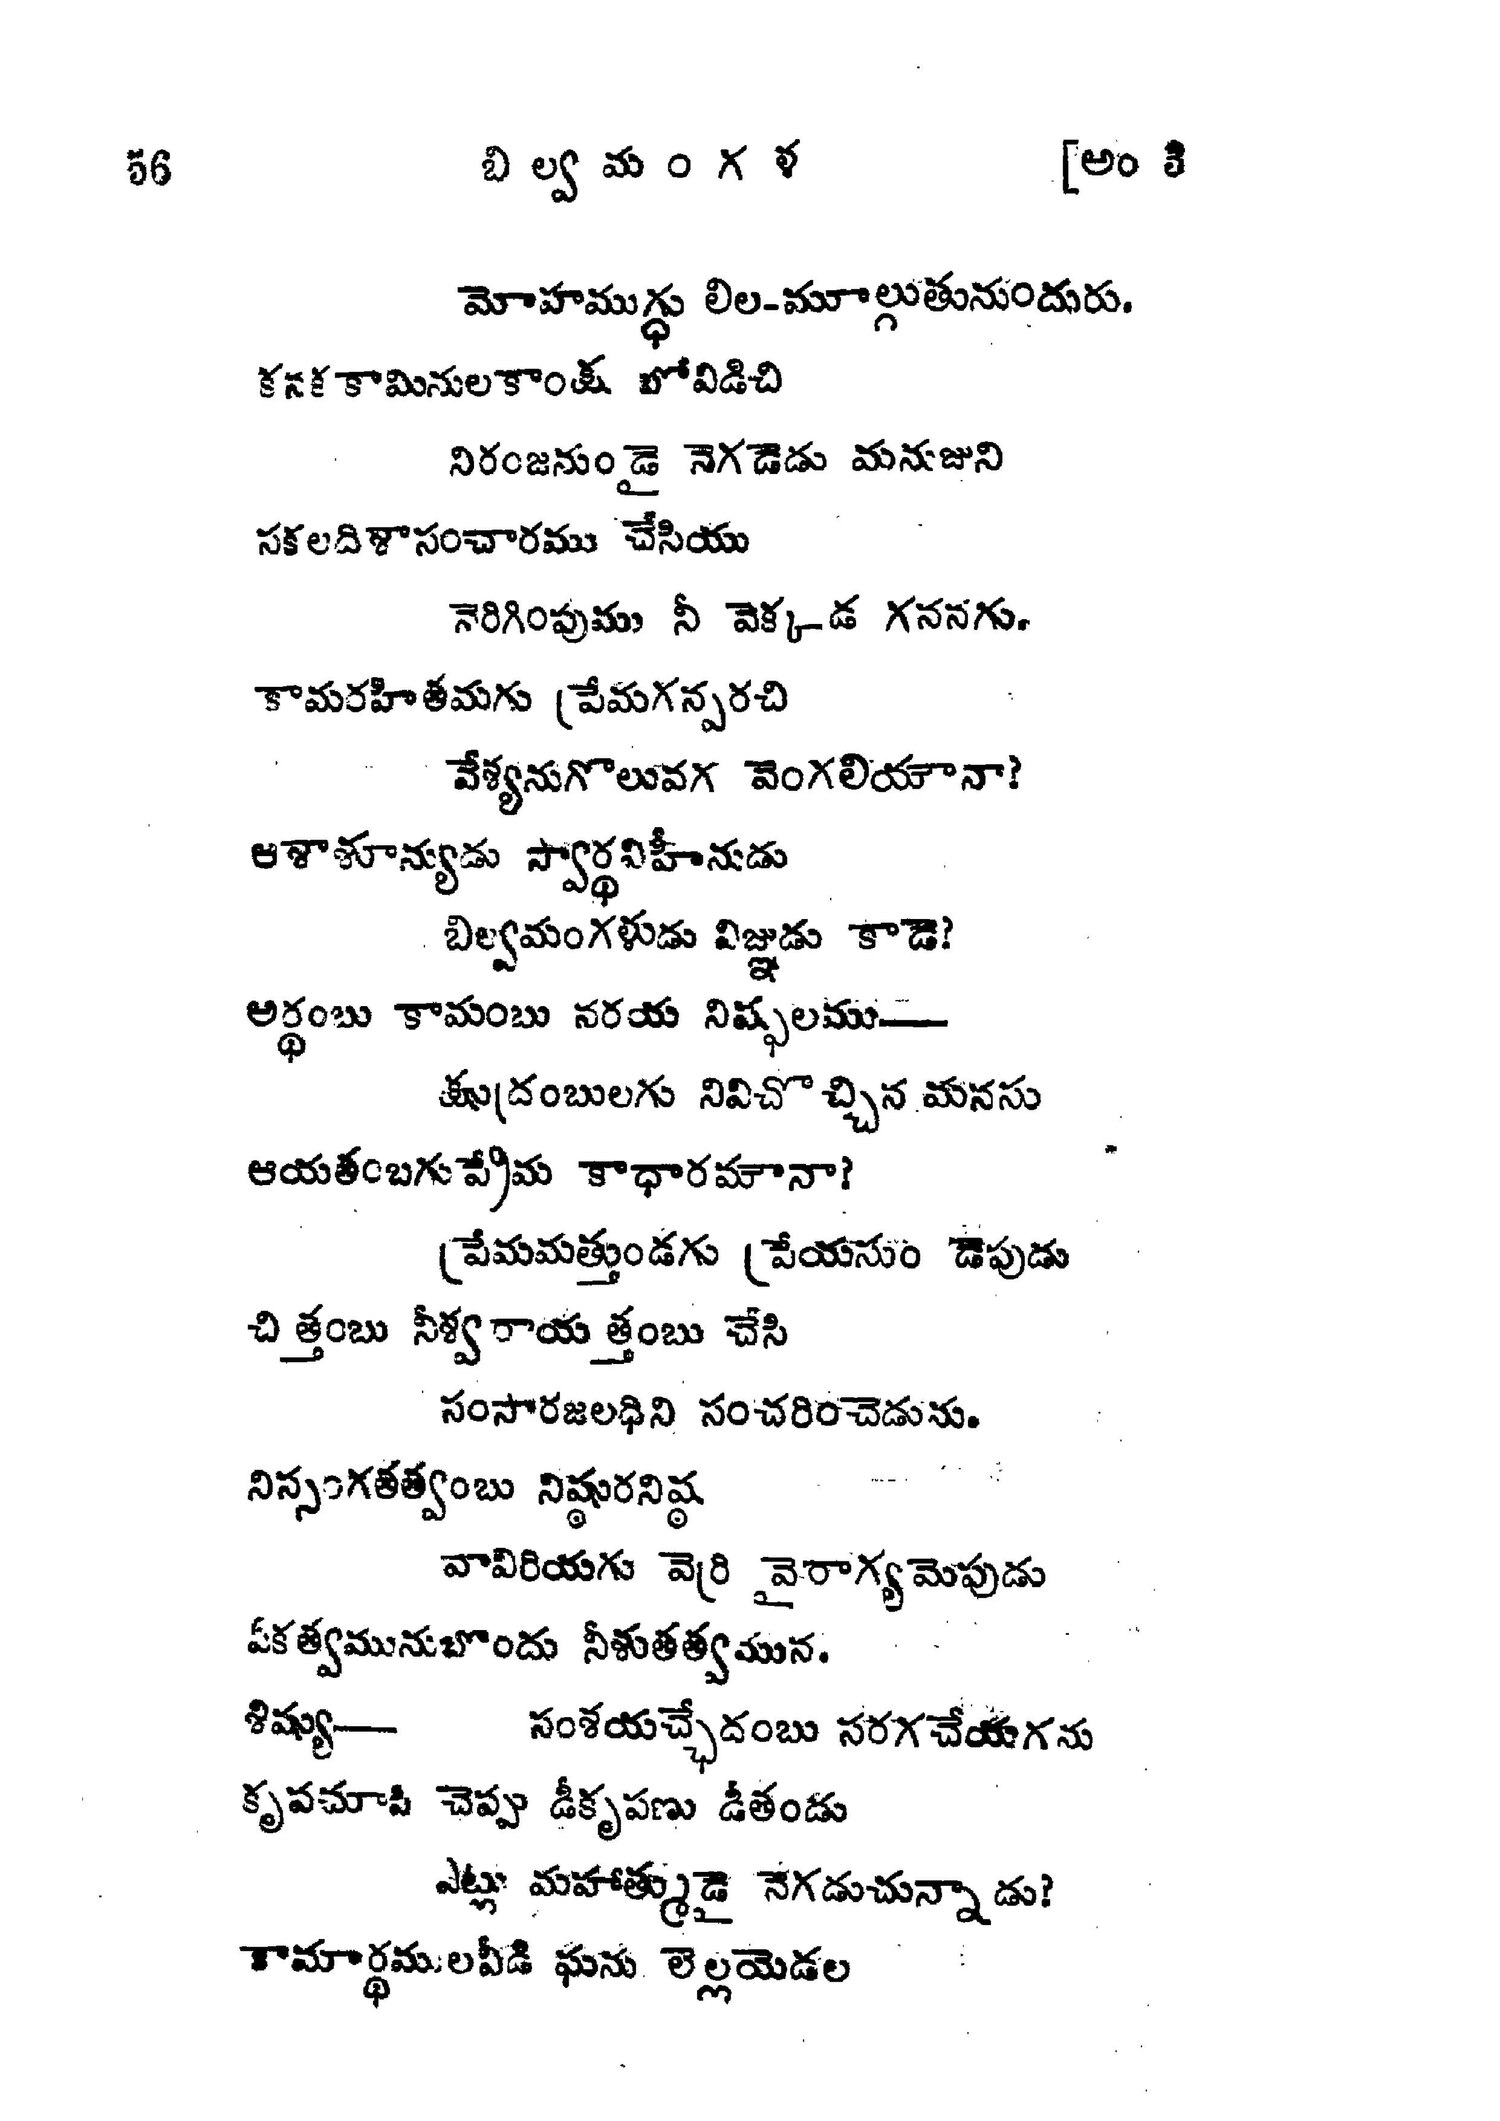మోహముగ్ధు లిల-మూల్గుతునుందురు.
 కనకకామినులకాంక్ష బోవిడిచి
 నిరంజనుండై నెగడెడు మనుజుని
 సకలదిశాసంచారము చేసియు
 నెరిగింపుము నీ వెక్కడ గననగు.
 కామరహితమగు ప్రేమగన్పరచి
 వేశ్యనుగొలువగ వెంగలియౌనా?
 ఆశాశూన్యుడు స్వార్థవిహీనుడు
 బిల్వమంగళుడు విజ్ఞుడు కాడె?
 అర్థంబు కామంబు నరయ నిష్ఫలము -
 క్షుద్రంబులగు నివిచొచ్చిన మనసు
 ఆయతంబగుప్రేమ కాధారమౌనా?
 ప్రేమమత్తుండగు ప్రేయసుం డెపుడు
 చిత్తంబు నీశ్వరాయత్తంబు చేసి
 సంసారజలధిని సంచరించెడును.
 నిస్సంగతత్వంబు నిష్ఠురనిష్ఠ
 వావిరియగు వెర్రి వైరాగ్యమెపుడు
 ఏకత్వమునుబొందు నీశుతత్వమున.
 శిష్యు - సంశయచ్ఛేదంబు నరగచేయగను
 కృపచూపి చెప్పు డీకృపణు డీతండు
 ఎట్లు మహాత్ముడై నెగడుచున్నాడు?
 కామార్థములవీడి ఘను లెల్లయెడల